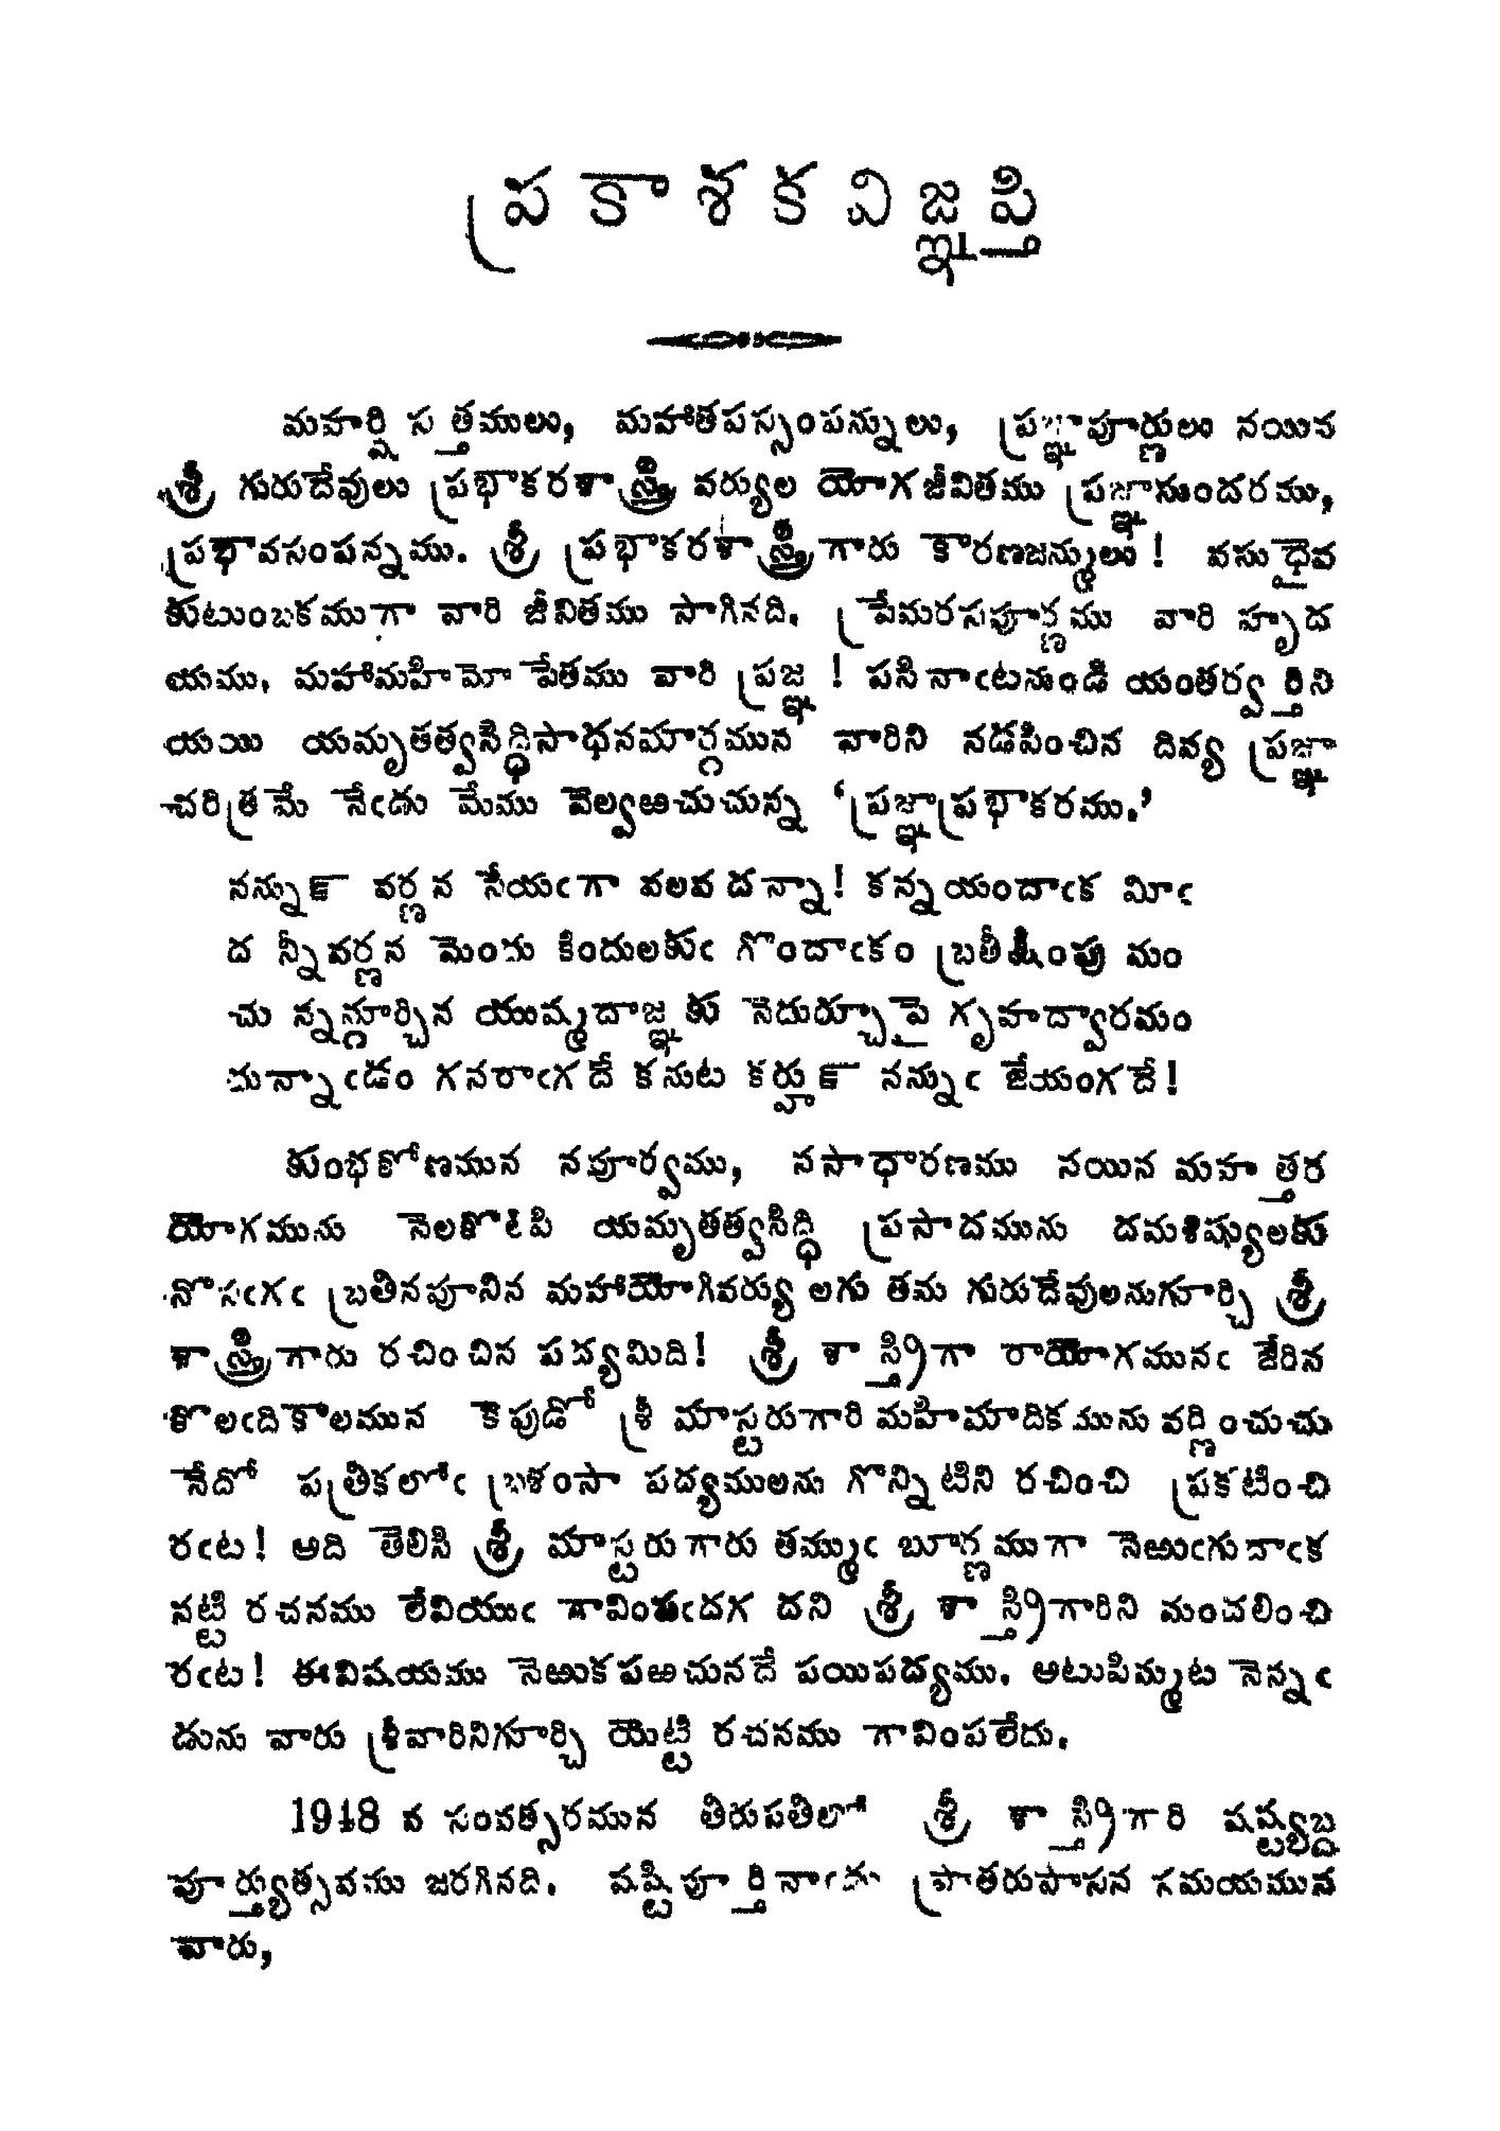మహర్షి సత్తములు, మహతవస్సంపన్నులు, ప్రజ్ఞపూర్ణులు నయినా శ్రీ గురుదేవులు ప్రభాకర శాస్త్రి వర్యుల యోగ జీవితము ప్రజ్ఞా సుందరము, ప్రభావసంపన్నము. శ్రీ ప్రభాకర శాస్త్రి గారు కారణజన్ములు! వసుదైవ కుటుంబకముగా వారి జీవితము సాగినది. ప్రేమర సపూర్ణము వారి హృదయము. మహామహిమోపేతము వారి ప్రజ్ఞ! పసినాఁట నుండి యంతర్వర్తినియయి యమృతత్వసిద్ధి సాధన మార్గమున వారిని నడిపించిన దివ్య ప్రజ్ఞా చరిత్ర మే నేఁడు మేము వెల్వఱచుచున్న 'ప్రజ్ఞా ప్రభాకరము'. 

 నన్నున్ వర్ణన సేయఁ గా వలవ దన్నా!కన్నయందాఁ క మిఁ 
 ద న్నీవర్ణన మెందు కిందులకుఁ గొందాఁ కం బ్రతిక్షింపు మం 
 చు న్నన్గూర్చిన యుష్మదాజ్ఞాకు నేదుర్చూపై గృహద్వారామం 
 దున్నాఁ డం గనరాఁ గదే కనుట కర్హు ౯ నన్నుఁ జేయంగ దే!

కుంభకోణమున నపూర్వము, నసాధరణము నయినా మహాత్తర యోగమును నెలకొలిపి యమృతత్వసిద్ధి ప్రసాదమును దమశిష్యులకు నొసఁగఁ బ్రతినపూనిన మహాయోగి వర్యులగు తమ గురుదేవుల గూర్చి శ్రీ శాస్త్రి గారు రచించిన పద్యమిది! శ్రీ శాస్త్రిగా రాయోగమునఁ జేరిన కొలఁది కాలమున కెపుడో శ్రీ మాస్టరు గారి మహి మాదిక మున వర్ణించుచు నేదో పత్రికలోఁ బ్రశంసా పద్యములను గొన్నిటిని రచించి ప్రకటించి రఁట! అది తెలిసి శ్రీ మాస్టరు గారి తమ్ముఁ బూర్ణముగా నెఱుఁగుదాఁక నట్టి రచనము లేవియుఁ గావింపఁ దగ దని శ్రీ శాస్త్రి గారిని మందలించి రఁట! ఈ విషయము నెఱుకపఱచునదే పయిపద్యము. అటుపిమ్మట నెన్నఁ డును వారు శ్రీ వారిని గూర్చి ఎత్తి రచనము గావింపలేదు.

1948వ సంవత్సరమున తిరుపతిలో శ్రీ శాస్త్రి గారి షష్ట్యబ్దపూర్త్యుత్సవము జరగినది. షష్టిపూర్తి నాఁడు ప్రాతరుపాసన సమయమున వారు.